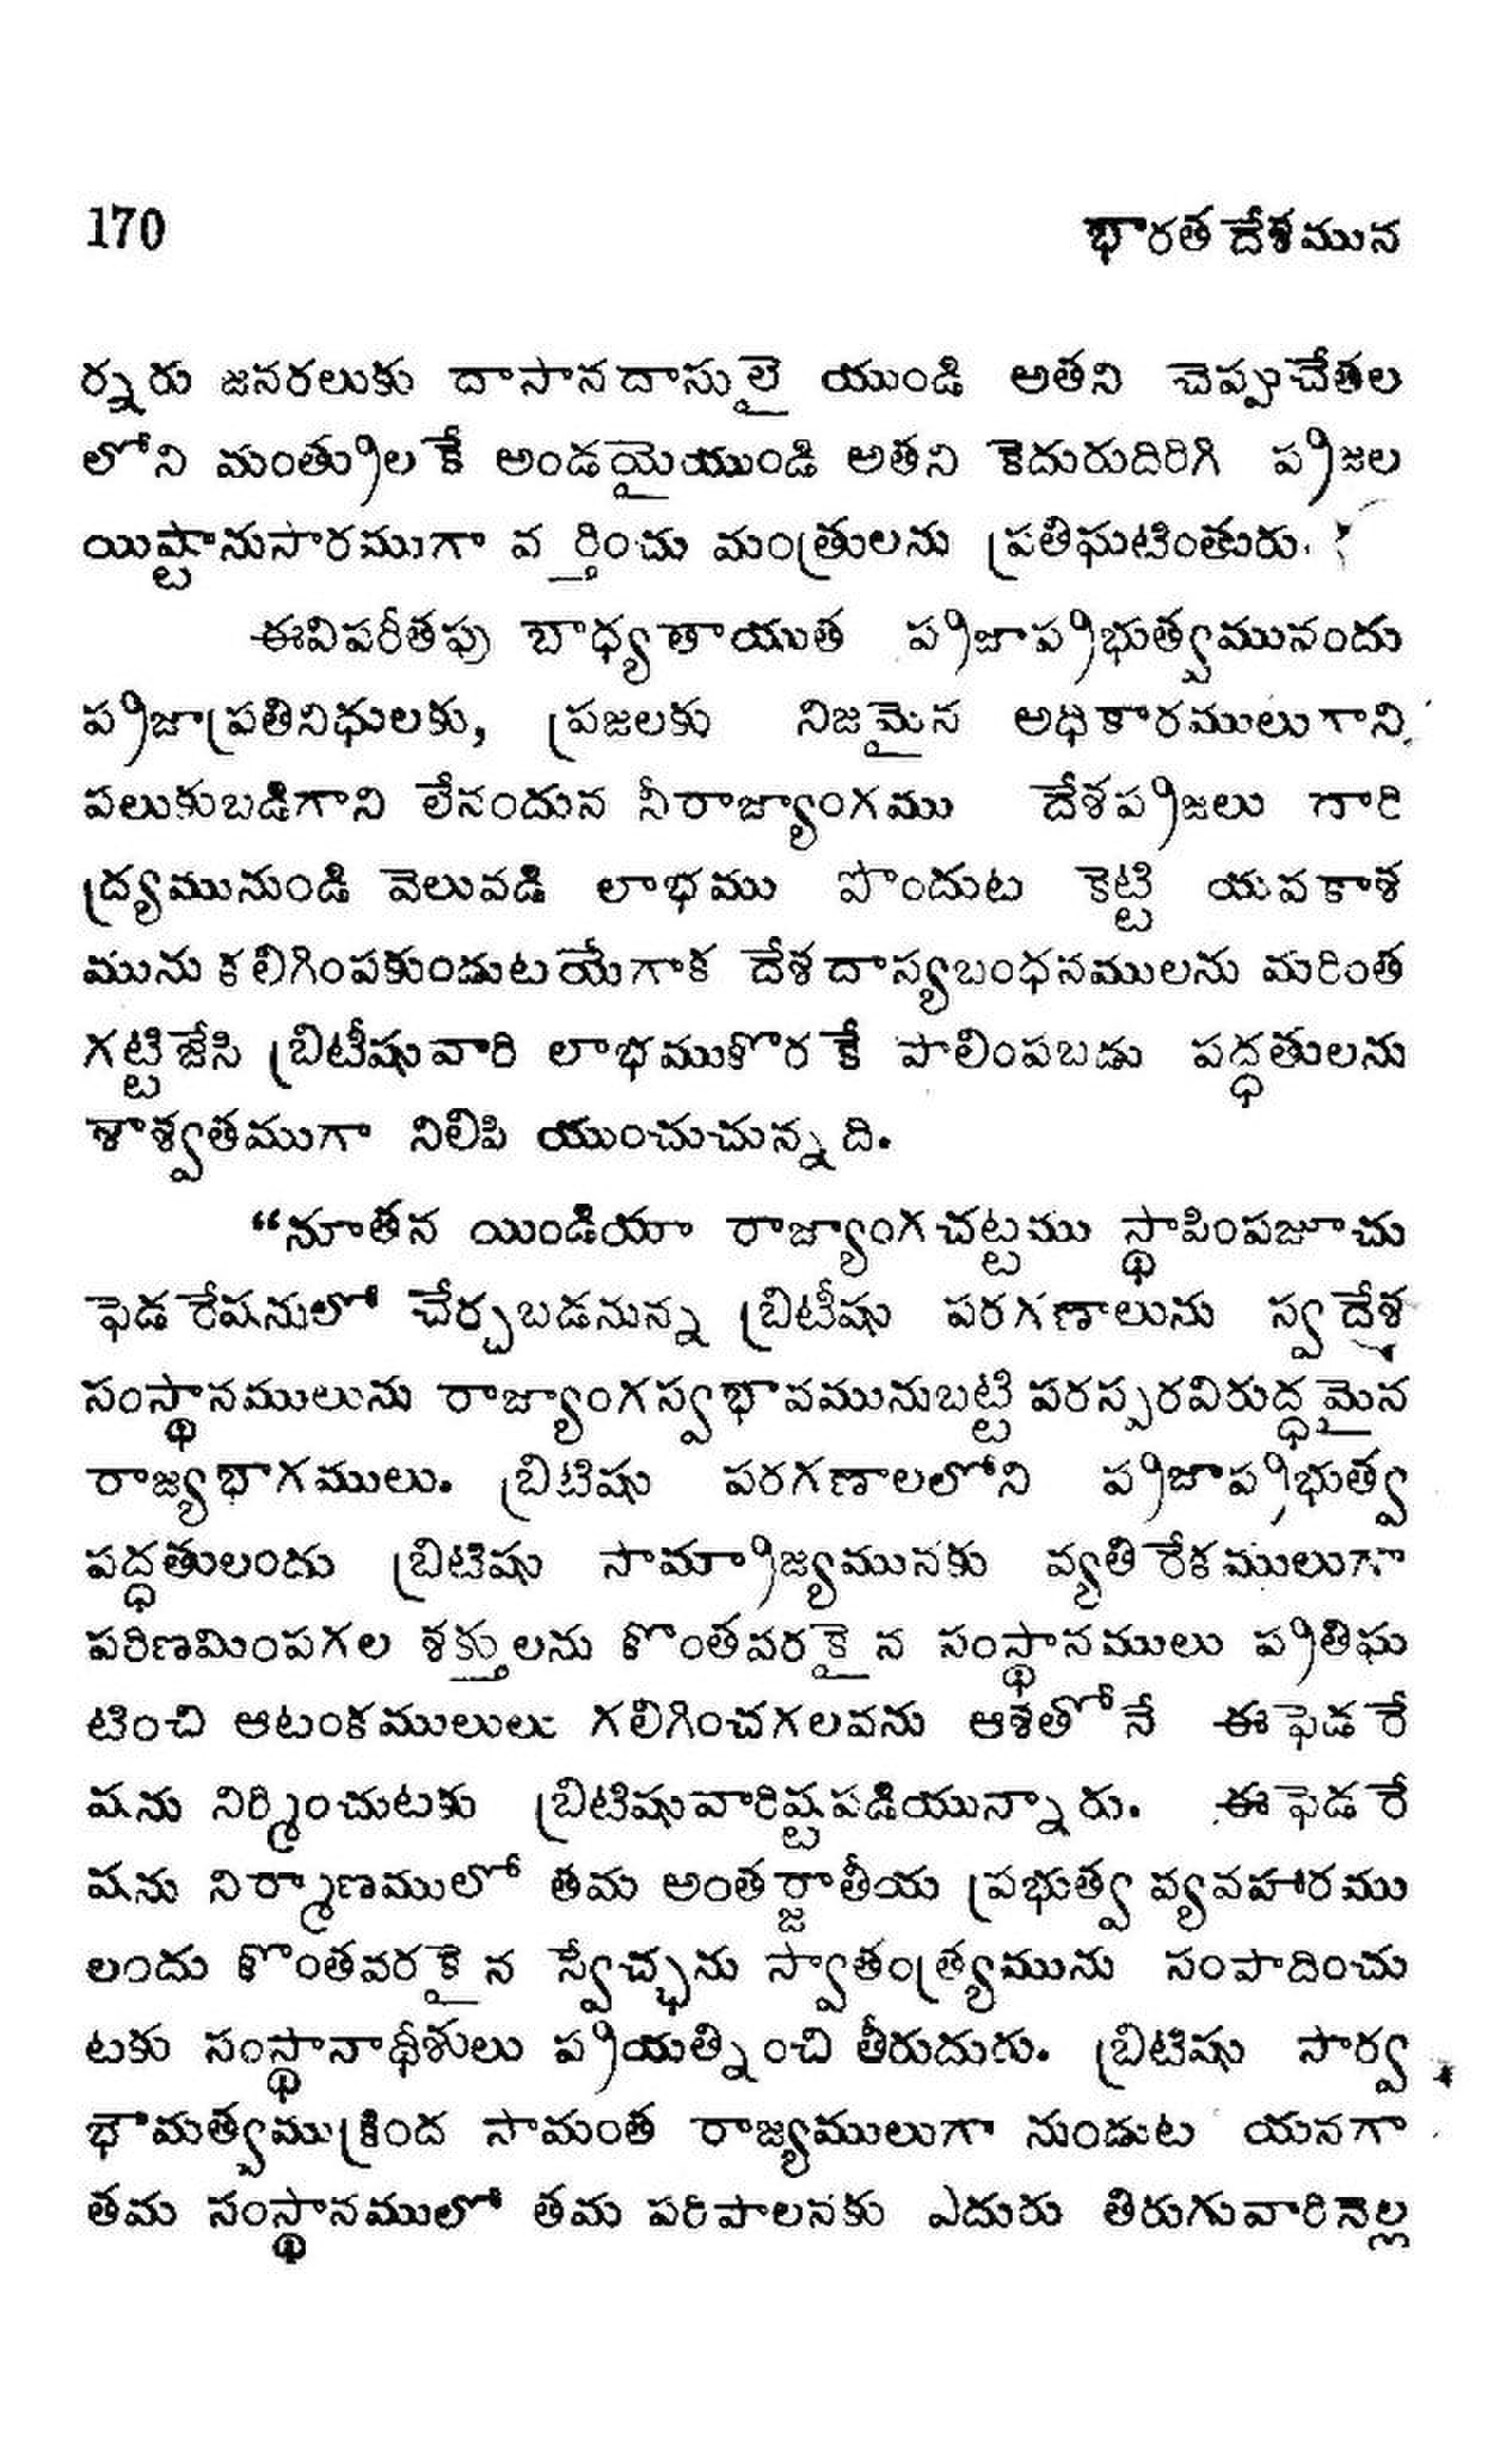ర్నరు జనరలుకు దాసానదాసులై యుండి అతని చెప్పుచేతలలోని మంత్రులకే అండయైయుండి అతని కెదురుదిరిగి ప్రజల యిష్టానుసారముగా వర్తించు మంత్రులను ప్రతిఘటింతురు. 

ఈవిపరీతపు బాధ్యతాయుత ప్రజాప్రభుత్వమునందు ప్రజాప్రతినిధులకు, ప్రజలకు నిజమైన అధికారములుగాని పలుకుబడిగాని లేనందున నీరాజ్యాంగము దేశప్రజలు దారిద్ర్యమునుండి వెలువడి లాభము పొందుట కెట్టి యవకాశమును కలిగింపకుండుటయేగాక దేశదాస్యబంధనములను మరింత గట్టిజేసి బ్రిటీషువారి లాభముకొరకే పాలింపబడు పద్ధతులను శాశ్వతముగా నిలిపి యుంచుచున్నది.

“నూతన యిండియా రాజ్యాంగచట్టము స్థాపింపజూచు ఫెడరేషనులో చేర్చబడనున్న బ్రిటీషు పరగణాలును స్వదేశ సంస్థానములును రాజ్యాంగస్వభావమునుబట్టి పరస్పరవిరుద్ధమైన రాజ్యభాగములు. బ్రిటిషు పరగణాలలోని ప్రజాప్రభుత్వ పద్దతులందు బ్రిటిషు సామ్రాజ్యమునకు వ్యతిరేకములుగా పరిణమింపగల శక్తులను కొంతవరకైన సంస్థానములు ప్రతిఘటించి ఆటంకములు గలిగించగలవను ఆశతోనే ఈఫెడరేషను నిర్మించుటకు బ్రిటిషువారిష్టపడియున్నారు. ఈఫెడరేషను నిర్మాణములో తమ అంతర్జాతీయ ప్రభుత్వ వ్యవహారములందు కొంతవరకైన స్వేచ్చను స్వాతంత్ర్యమును సంపాదించుటకు సంస్థానాధీశులు ప్రయత్నించి తీరుదురు. బ్రిటిషు సార్వభౌమత్వముక్రింద సామంత రాజ్యములుగా నుండుట యనగా తమ సంస్థానములో తమ పరిపాలనకు ఎదురు తిరుగువారినెల్ల